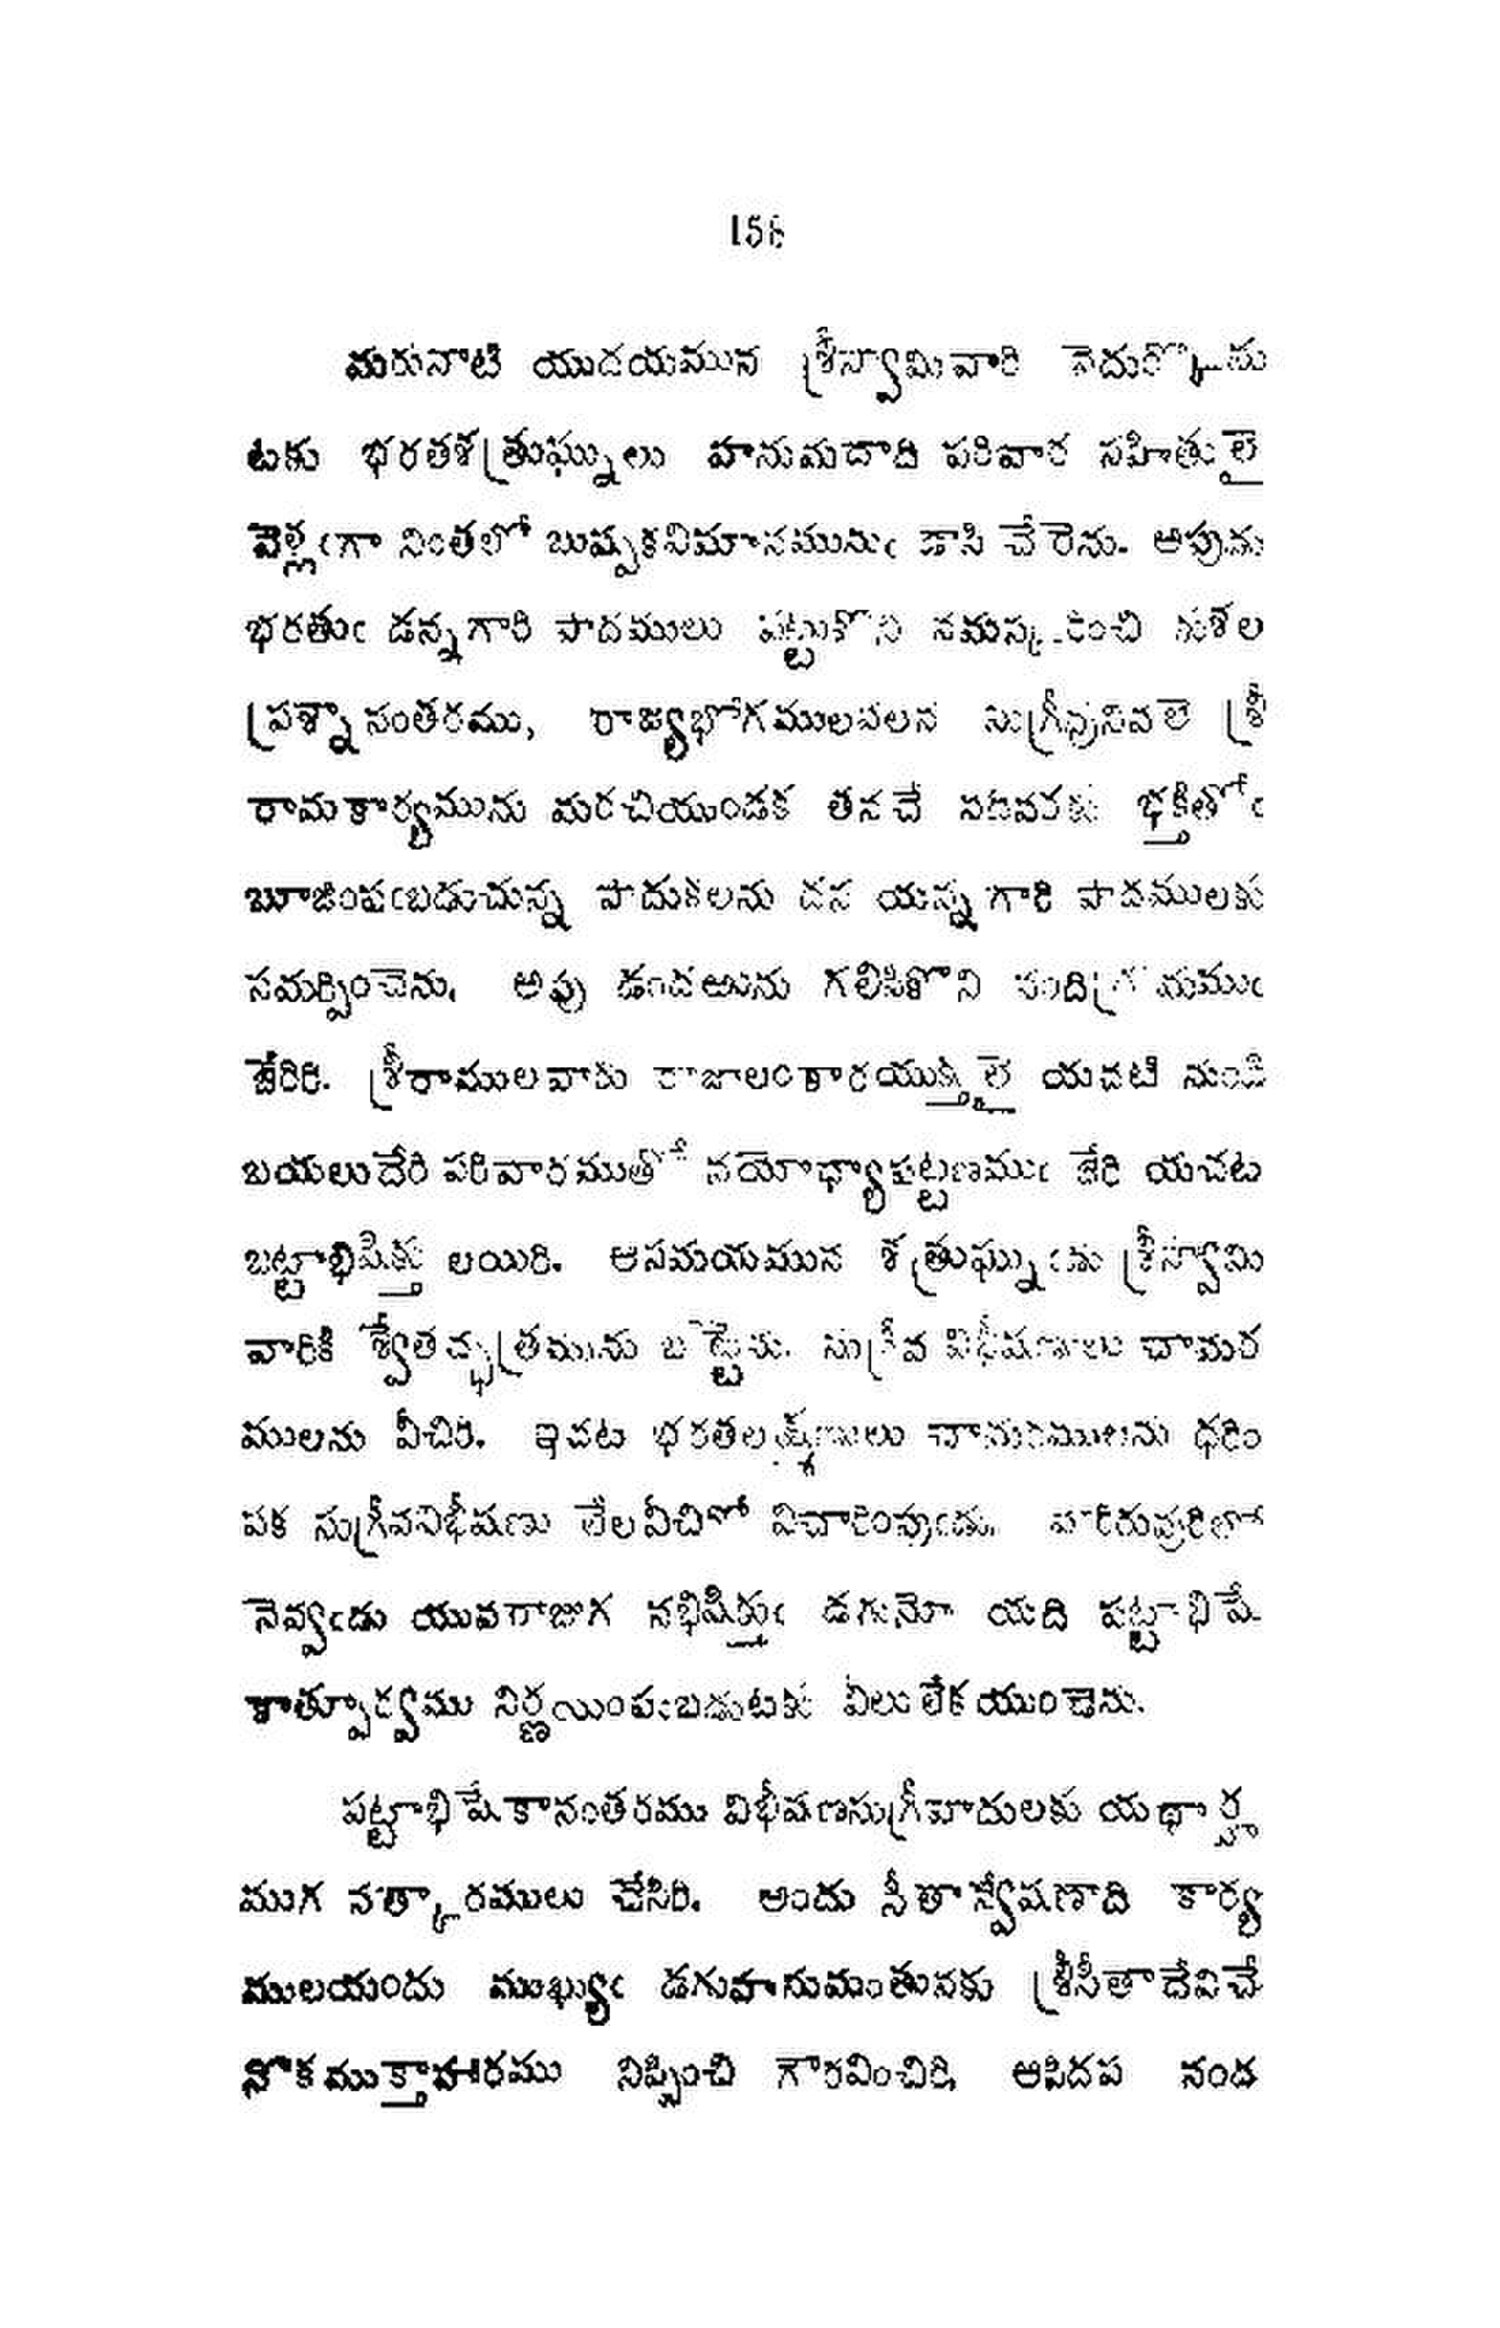మరునాటి యుదయమున శ్రీస్వామివారి నెదుర్కొనుటకు భరతశత్రుఘ్నులు హనుమదాది పరివార సహితులై వెళ్లఁగా నింతలో బుష్పకవిమానమునుఁ డాసి చేరెను. అపుడు భరతుఁ డన్నగారి పాదములు పట్టుకొని నమస్కరించి కుశల ప్రశ్నానంతరము, రాజ్యభోగములవలన సుగ్రీవునివలె శ్రీరామకార్యమును మరచియుండక తనచే నదివరకు భక్తితోఁ బూజింపఁబడుచున్న పాదుకలను దన యన్నగారి పాదములకు సమర్పించెను. అపు డందఱును గలిసికొని నందిగ్రామముఁ జేరిరి. శ్రీరాములవారు రాజలంకారయుక్తులై యచటి నుండి బయలుదేరి పరివారముతో నయోధ్యా పట్టణముఁ జేరి యచట బట్టాభిషిక్తు లయిరి. ఆసమయమున శత్రుఘ్నుఁడు శ్రీస్వామివారికి శ్వేతచ్ఛత్రమును బట్టెను. సుగ్రీవ విభీషణలు చామరములను వీచిరి. ఇచట భరతలక్ష్మణులు చామరములను ధరింపక సుగ్రీవవిభీషణు లేలవీచిరో విచారింపుఁడు. వారిరువురిలో నెవ్వఁడు యువరాజుగ నభిషిక్తుఁ డగనో యది పట్టాభిషేకాత్పూర్వము నిర్ణయింపఁబడుటకు వీలులేక యుండెను.

పట్టాభిషేకానంతరము విభీషణసుగ్రీవాదులకు యథార్హముగ సత్కారములు చేసిరి. అందు సీతాన్వేషణాది కార్యములయందు ముఖ్యుఁ డగుహనుమంతునకు శ్రీసీతాదేవిచే నొకముక్తాహారము నిప్పించి గౌరవించి ఆపిదప నంద